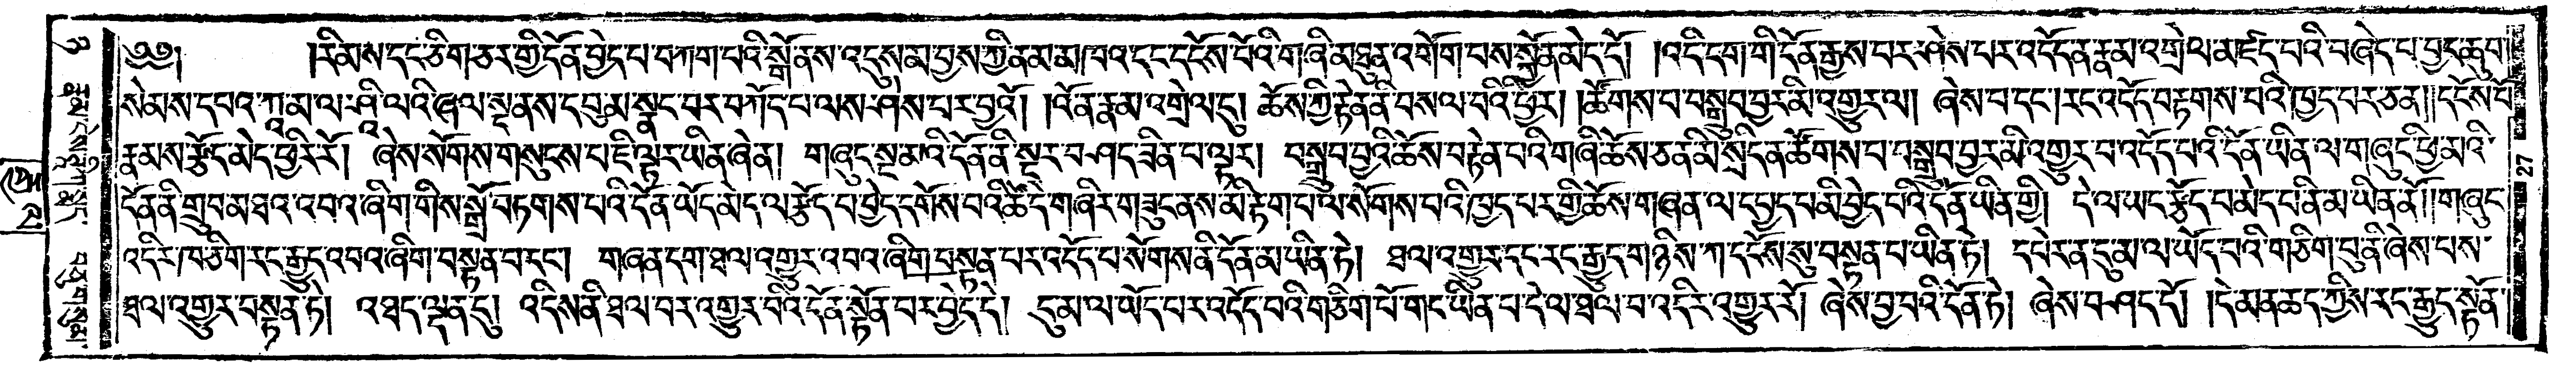༄༅། །རིམས་དང་ཅིག་ཅར་གྱི་དོན་བྱེད་པ་བཀག་པའི་སྒོ་ནས་འདུས་མ་བྱས་ཀྱི་ནམ་མཁའ་དང་དངོས་པོའི་གཞི་མཐུན་འགོག་པས་སྐྱོན་མེད་དོ། །འདི་དག་གི་དོན་རྒྱས་པར་ཤེས་པར་འདོད་ན་རྣམ་འགྲེལ་མཛད་པའི་བཞེད་པ་བྱང་ཆུབ་
སེམས་དཔའ་ཀཱ་མ་ལ་ཤཱི་ལའི་ཞལ་སྔ་ནས་དབུ་མ་སྣང་བར་བཀོད་པ་ལས་ཤེས་པར་བྱའོ། །འོ་ན་རྣམ་འགྲེལ་དུ། ཆོས་ཀྱི་རྟེན་ནི་བསལ་བའི་ཕྱིར། །ཚོགས་པ་བསྒྲུབ་བྱར་མི་འགྱུར་ལ། ཞེས་པ་དང་། རང་འདོད་བརྟགས་པའི་ཁྱད་པར་ཅན། །དངོས་པོ་
རྣམས་རྩོད་མེད་ཕྱིར་རོ། ཞེས་སོགས་གསུངས་པ་ཇི་ལྟར་ཡིན་ཞེ་ན། གཞུང་སྔ་མའི་དོན་ནི་སྔར་བཤད་ཟིན་པ་ལྟར། བསྒྲུབ་བྱའི་ཆོས་བརྟེན་པའི་གཞི་ཆོས་ཅན་མི་སྲིད་ན་ཚོགས་པ་བསྒྲུབ་བྱར་མི་འགྱུར་བ་འདོད་པའི་དོན་ཡིན་ལ་གཞུང་ཕྱི་མའི་
དོན་ནི་གྲུབ་མཐའ་འབའ་ཞིག་གིས་སྒྲོ་བཏགས་པའི་དོན་ཡོད་མེད་ལ་རྩོད་པ་བྱེད་དགོས་པའི་ཚེ་དེ་གཞིར་གཟུང་ནས་མི་རྟག་པ་ལ་སོགས་པའི་ཁྱད་པར་གྱི་ཆོས་གཞན་ལ་དཔྱད་པ་མི་བྱེད་པའི་དོན་ཡིན་གྱི། དེ་ལ་ཡང་རྩོད་པ་མེད་པ་ནི་མ་ཡིན་ནོ། །གཞུང་
འདིར་ཁ་ཅིག་རང་རྒྱུད་འབའ་ཞིག་བསྟན་པ་དང་། གཞན་དག་ཐལ་འགྱུར་འབའ་ཞིག་བསྟན་པར་འདོད་པ་སོགས་ནི་དོན་མ་ཡིན་ཏེ། ཐལ་འགྱུར་དང་རང་རྒྱུད་གཉིས་ཀ་དངོས་སུ་བསྟན་པ་ཡིན་ཏེ། དཔེར་ན་དུ་མ་ལ་ཡོད་པའི་གཅིག་བུ་ནི་ཞེས་པས་
ཐལ་འགྱུར་བསྟན་ཏེ། འཐད་ལྡན་དུ། འདིས་ནི་ཐལ་བར་འགྱུར་བའི་དོན་སྟོན་པར་བྱེད་དེ། དུ་མ་ལ་ཡོད་པར་འདོད་པའི་གཅིག་པོ་གང་ཡིན་པ་དེ་ལ་ཐལ་བ་འདིར་འགྱུར་རོ། ཞེས་བྱ་བའི་དོན་ཏོ། ཞེས་བཤད་དོ། །དེ་མན་ཆད་ཀྱིས་རང་རྒྱུད་སྟོན་